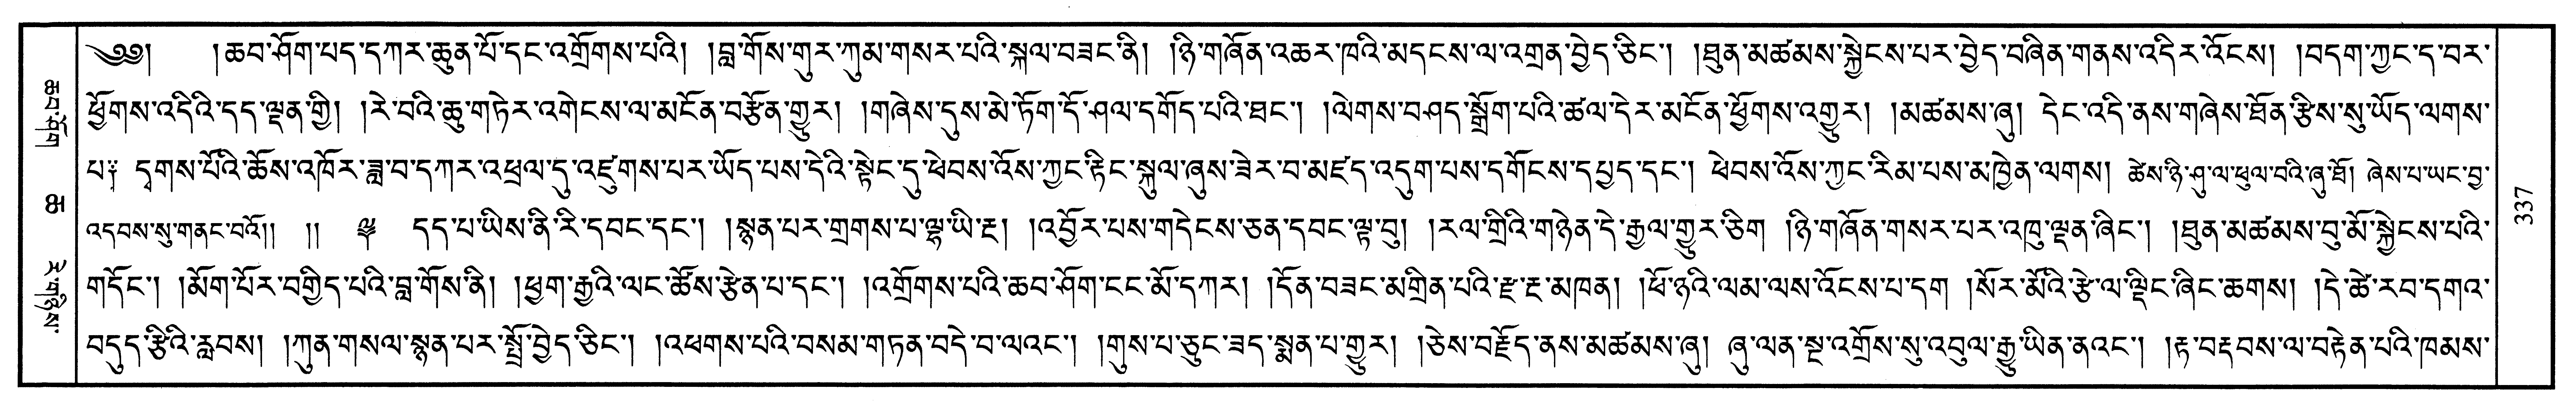༄༅། །ཆབ་ཤོག་པད་དཀར་ཆུན་པོ་དང་འགྲོགས་པའི། །བླ་གོས་གུར་ཀུམ་གསར་པའི་སྐལ་བཟང་ནི། །ཉི་གཞོན་འཆར་ཁའི་མདངས་ལ་འགྲན་བྱེད་ཅིང་། །ཐུན་མཚམས་སྐྱེངས་པར་བྱེད་བཞིན་གནས་འདིར་འོངས། །བདག་ཀྱང་ད་བར་
ཕྱོགས་འདིའི་དད་ལྡན་གྱི། །རེ་བའི་ཆུ་གཏེར་འགེངས་ལ་མངོན་བརྩོན་གྱུར། །གཞེས་དུས་མེ་ཏོག་དོ་ཤལ་དགོད་པའི་ཐང་། །ལེགས་བཤད་སྒྲོག་པའི་ཚལ་དེར་མངོན་ཕྱོགས་འགྱུར། །མཚམས་ཞུ། དེང་འདི་ནས་གཞེས་ཐོན་རྩིས་སུ་ཡོད་ལགས་
པ༑ དྭགས་པོའི་ཆོས་འཁོར་ཟླ་བ་དཀར་འཕྲལ་དུ་འཛུགས་པར་ཡོད་པས་དེའི་སྟེང་དུ་ཕེབས་འོས་ཀྱང་རྟིང་སྐུལ་ཞུས་ཟེར་བ་མཛད་འདུག་པས་དགོངས་དཔྱད་དང་། ཕེབས་འོས་ཀྱང་རིམ་པས་མཁྱེན་ལགས། ཚེས་ཉི་ཤུ་ལ་ཕུལ་བའི་ཞུ་ཐོ། ཞེས་པ་ཡང་བྱ་
འདབས་སུ་གནང་བའོ།། །། ༈ དད་པ་ཡིས་ནི་རི་དབང་དང་། །སྙན་པར་གྲགས་པ་ལྷ་ཡི་རྔ། །འབྱོར་པས་གདེངས་ཅན་དབང་ལྟ་བུ། །རལ་གྲིའི་གཉེན་དེ་རྒྱལ་གྱུར་ཅིག །ཉི་གཞོན་གསར་པར་འཁུ་ལྡན་ཞིང་། །ཐུན་མཚམས་བུ་མོ་སྐྱེངས་པའི་
གདོང་། །མོག་པོར་བགྱིད་པའི་བླ་གོས་ནི། །ཕྱག་རྒྱའི་ལང་ཚོས་རྩེན་པ་དང་། །འགྲོགས་པའི་ཆབ་ཤོག་ངང་མོ་དཀར། །དོན་བཟང་མགྲིན་པའི་རྫ་རྔ་མཁན། །ཕོ་ཉའི་ལམ་ལས་འོངས་པ་དག །སོར་མོའི་རྩེ་ལ་ལྡིང་ཞིང་ཆགས། །དེ་ཚེ་རབ་དགའ་
བདུད་རྩིའི་རླབས། །ཀུན་གསལ་སྙན་པར་སྤྲོ་བྱེད་ཅིང་། །འཕགས་པའི་བསམ་གཏན་བདེ་བ་ལའང་། །གུས་པ་ཅུང་ཟད་སྨན་པ་གྱུར། །ཅེས་བརྗོད་ནས་མཚམས་ཞུ། །ཞུ་ལན་སྔ་འགྲོས་སུ་འབུལ་རྒྱུ་ཡིན་ནའང་། །རྟ་བརྡབས་ལ་བརྟེན་པའི་ཁམས་